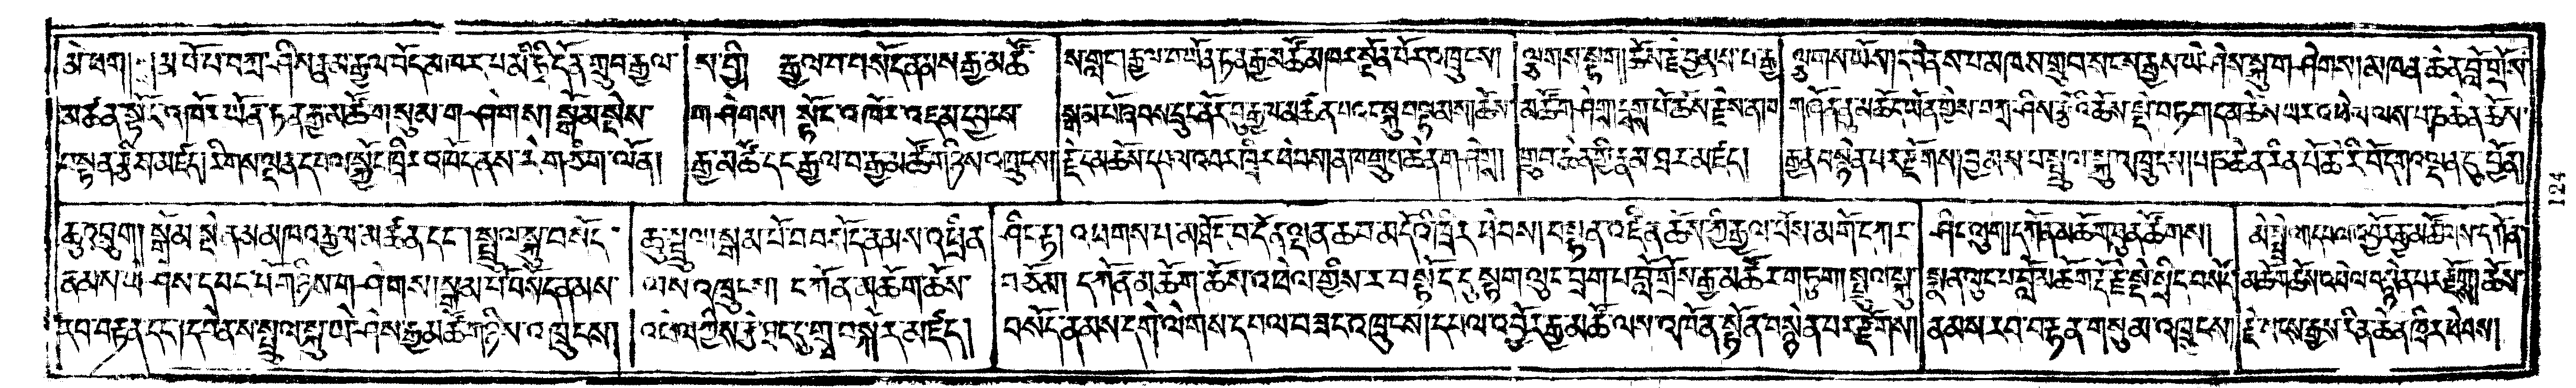མེ་ཕག། །མ་པོ་པ་བཀྲ་ཤིས་རྣམ་རྒྱལ་བོད་མཁར་པ་མི་ཧྲི་དོན་གྲུབ་རྒྱལ་ས་བྱི། རྒྱལ་བ་བསོད་ནམས་རྒྱ་མཚོ་ས་གླང་། རྒྱལ་བ་ཡོན་ཏན་རྒྱ་མཚོ་མཁར་སྔོན་པོར་འཁྲུངས། ལྕགས་སྟག། ཆོས་རྗེ་བྱམས་པ་རྒྱ་ལྕགས་ཡོས། དབེན་ས་པ་མཁས་གྲུབ་སངས་རྒྱས་ཡེ་ཤེས་སྐུ་གཤེགས། མཁན་ཆེན་བློ་གྲོས་
མཚན་སྟོང་འཁོར་ཡོན་ཏན་རྒྱ་མཚོ་གསུམ་གཤེགས། སྒོམ་སྡེས་གཤེགས། སྟོང་འཁོར་འཇམ་དབྱངས་སྒམ་པོ་ཞབས་དྲུང་ནོར་བུ་རྒྱལ་མཚལ་པ?་བསྐུ་བལྟམས། ཆོས་མཚོ་གཤེགས་དྭགས་པོ་ཆོས་རྗེ་ན་ཁ་གཞོན་ནུ་མཆོད་ཡོན་ཤེས་བཀྲ་ཤིས་རྩེའི་ཆོས་སྡེ་བཏག་དམ་ཆེས་ཡར་འཕེལ་ལས་པཎ་ཆེན་ཆོས་
བསྟན་རྩིས་མཛད། རིགས་ལྡན་དཔལ་སྐྱོང་ཁྲི་འཁོད་ནས་རེ་གཅིག་ལོན། རྒྱ་མཚོ་དང་རྒྱལ་བ་རྒྱ་མཚོ་གཉིས་འཁྲུངས། རྗེ་དམ་ཆོས་དཔལ་འབར་ཁྲིར་ཐེབས། ན་ཁ་གྲུ་པ་ཆེན་གཤེགས། གྲུབ་ཆེན་གྱི་རྣམ་ཐར་མཛད། རྒྱན་བསྟེན་པར་རྫོགས། བྱམས་པ་སྤྲུལ་སྐུ་འཁྲུངས། པཎ་ཆེན་རིན་པོ་ཆེ་རི་བོ་དགའ་ལྡན་དུ་བྱོན།
ཆུ་འབྲུག། སྒོམ་སྔེ་ནམ་མཁའ་རྒྱལ་མཚན་དང་། སྤྲུལ་སྐུ་བསོད་ཆུ་སྦྲུལ་སྒམ་པོ་བ་བསོད་ནམས་འཕྲིན་ཤིང་རྟ། འཕགས་པ་མཐོང་བ་དོན་ལྡན་ཆབ་མདོའི་ཁྲར་ཕེབས། བསྟན་འཛིན་ཆོས་ཀྱི་རྒྱལ་པོས་མགོ་དཀར་ཤིང་ལུག། དཀོན་མཆོག་ཕུན་ཚོགས། མེ་སྦྲེ་ག་དཔལ་འབྱོར་རྒྱ་མཚོ་ལས་དཀོན་
ནམས་ཡེ་ཤེས་དབང་པོ་གཉིས་གཤེགས། སྒམ་པོ་བསོད་ནམས་ལས་འཁྲུངས། དཀོན་མཆོག་ཆོས་མྕོམ། དཀོན་མཆོག་ཆོས་འཕེལ་གྱིས་ར་བསྟོད་དུ་སྟག་ལུང་བྲག་པ་བློ་གྲོས་རྒྱ་མཚོར་གཏུག །སྤྲུལ་སྐུ་སྨན་ལུང་པ་བློ་མཆོག་རྡོ་རྗེ་སྡེ་སྲིད་བསོད་མཆོག་ཆོས་འཕེལ་བསྙེན་པར་རྫོགས། ཆོས་
རབ་བརྟན་དང་། དབེན་ས་སྤྲུལ་སྐུ་ཡེ་ཤེས་རྒྱ་མཚོ་གཉིས་འཁྲུངས། འཕེལ་ཀྱིས་རྩེ་ཐང་དུ་གྲྭ་བསྐོར་མཛད། བསོད་ནམས་དགེ་ལེགས་དཔལ་བཟང་འཁྲུངས། དཔལ་འབྱོར་རྒྱ་མཚོ་ལས་འཁོ་ན་སྟོན་བསྙེན་པར་རྫོགས། ནམས་རབ་བརྟན་གསུམ་འཁྲུངས། རྗེ་སངས་རྒྱས་རིན་ཆེན་ཁྲིར་ཕེབས་